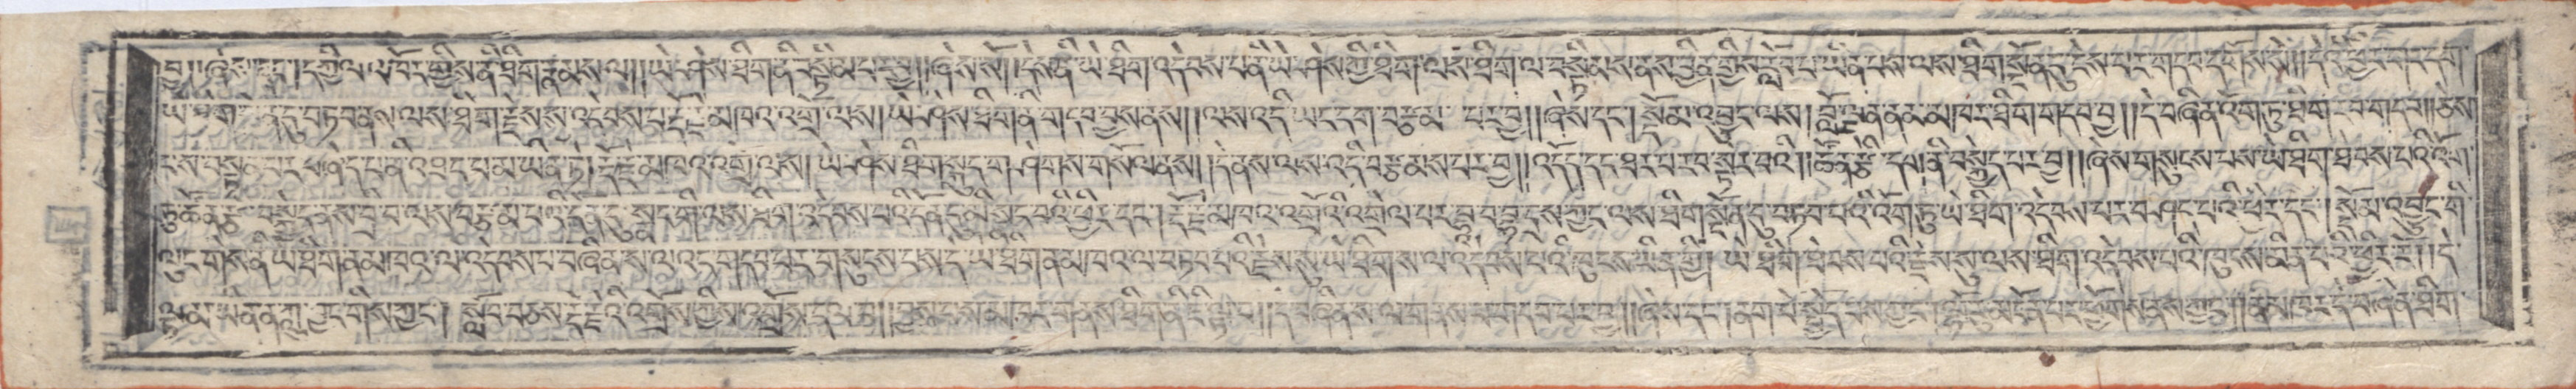བྱ། །ཞེས་དང་། དཀྱིལ་འཁོར་གྱིས་ནི་ཐིག་རྣམས་ལ། །ཡེ་ཤེས་ཐིག་ནི་བསྟིམ་པར་བྱ། །ཞེས་སོ། །དེས་ནི་ཡེ་ཐིག་འདེབས་པ་ནི་ཡེ་ཤེས་ཀྱི་ཐིག་ལས་ཐིག་ལ་བསྟིམས་ནས་བྱིན་གྱིས་རློབ་པ་ཡིན་པས་ལས་ཐིག་སྔོན་དུ་ངེས་པར་གདབ་དགོས་སོ། །དེའི་ཕྱིར་གང་དག་
ཡེ་ཐིག་སྔོན་དུ་བཏབ་ནས་ལས་ཐིག་རྗེས་སུ་འདེབས་པ་རྡོ་རྗེ་མཁའ་འགྲོ་ལས། ཡེ་ཤེས་ཐིག་ནི་གདབ་བྱས་ནས། །ལས་འདི་ཡང་དག་བརྩམ་པར་བྱ། །ཞེས་དང་། སྡོམ་འབྱུང་ལས། བློ་ལྡན་ནམ་མཁར་ཐིག་གདབ་བྱ། །དེ་བཞིན་འོག་ཏུ་ཐིག་རབ་གདབ། །ཅེས་
པས་བསྟན་པར་བཞེད་པ་ནི་འཐད་པ་མ་ཡིན་ཏེ། རྡོ་རྗེ་མཁའ་འགྲོ་ལས། ཡེ་ཤེས་ཐིག་སྐུད་གཤེགས་གསོལ་ནས། །དེ་ནས་ལས་འདི་བརྩམས་པར་བྱ། །འདོད་དང་ཐར་པ་རབ་སྟེར་བའི། །ཚོན་རྩི་དག་ནི་བསྐྱེད་པར་བྱ། །ཞེས་གསུངས་པས་ཡེ་ཐིག་ཐེབས་པའི་འོག་
ཏུ་ཚོན་རྩི་བསྐྱེད་ནས་བྲི་བ་ལས་བརྩམ་པའི་དོན་དུ་སྣང་གི་ལས་ཐིག་འདེབས་པའི་དོན་དུ་མི་སྣང་བའི་ཕྱིར་དང་། རྡོ་རྗེ་མཁའ་འགྲོའི་འགྲེལ་པར་བྷཱ་བ་བྷ་དྲས་ཀྱང་ལས་ཐིག་སྔོན་དུ་བཏབ་པའི་འོག་ཏུ་ཡེ་ཐིག་འདེབས་པར་བཤད་པའི་ཕྱིར་དང་། སྡོམ་འབྱུང་གི་
ལུང་གིས་ནི་ཡེ་ཐིག་ནམ་མཁའ་ལ་འདེབས་པ་བཞིན་ས་ལའང་གདབ་པར་གསུངས་པས་དེ་ཡེ་ཐིག་ནམ་མཁའ་ལ་བཏབ་པའི་རྗེས་སུ་ཡེ་ཐིགས་ལ་འདེབས་པའི་ཁུངས་ཡིན་གྱི། ཡེ་ཐིག་ཐེབས་པའི་རྗེས་སུ་ལས་ཐིག་འདེབས་པའི་ཁུངས་མིན་པའི་ཕྱིར་རོ། །དེ་
ལྟ་མ་ཡིན་ན་ཀླུ་བྱང་གིས་ཀྱང་། སློབ་བཅས་རྡོ་རྗེའི་འགྲོས་ཀྱིས་འགྲོས་དལ་བ། །བྱས་པས་མཁར་གནས་ཐིག་ནི་ཇི་ལྟ་བ། །དེ་བཞིན་ས་ལ་གནས་པ་གདབ་པར་བྱ། །ཞེས་དང་། ནག་པོ་སྤྱོད་པས་ཀྱང་། ལྷོ་རུ་མངོན་པར་ཕྱོགས་ནས་ཀྱང་། །ནམ་མཁར་དེ་བཞིན་ཐིག་